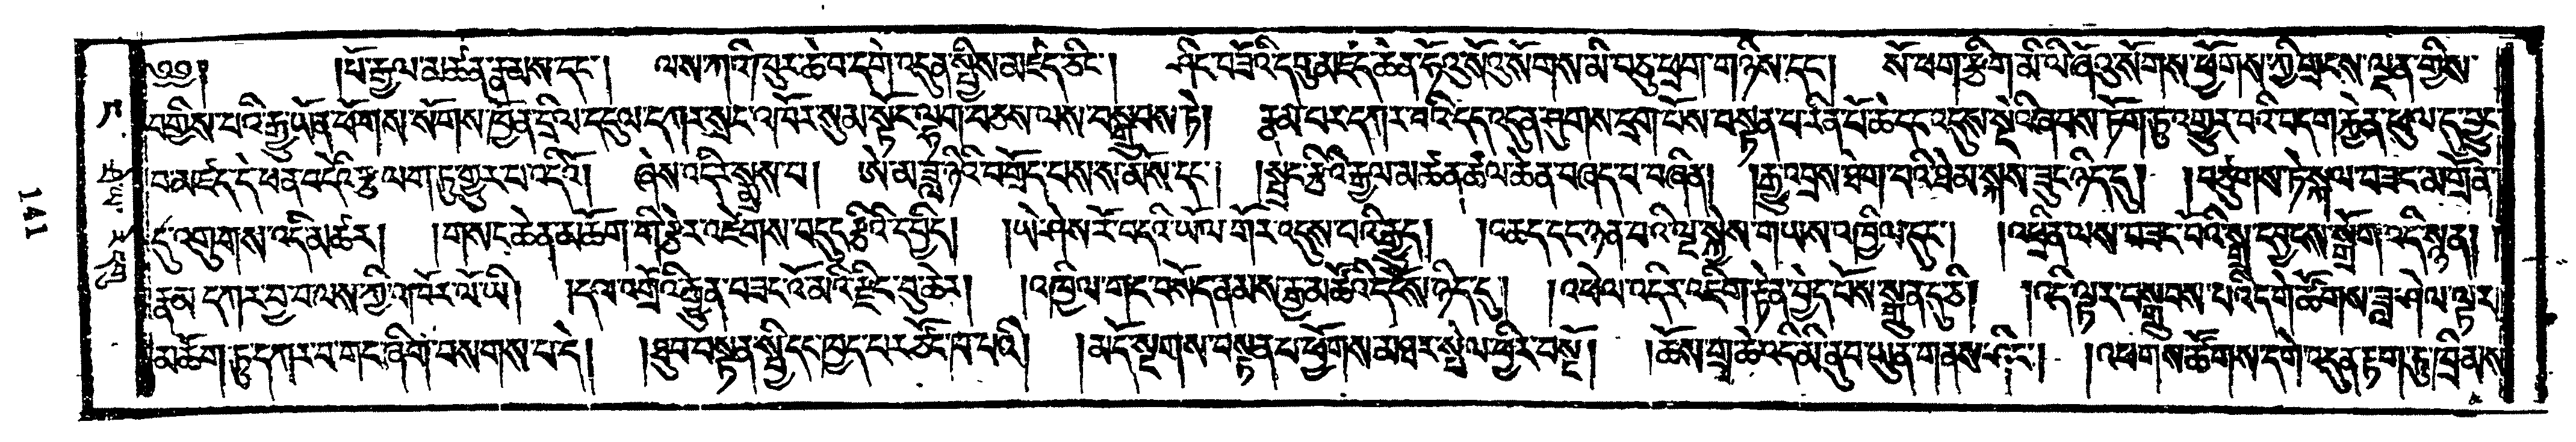༄༅། །པོ་རྒྱལ་མཚན་རྣམས་དང་། ལས་ཀའི་ཁུར་ཆེ་བ་དགེ་འདུན་སྤྱིས་མཛད་ཅིང་། ཤིང་བཟོའི་དབུ་མཛད་ཆེན་ཧོའུ་སོའུ་སོགས་མི་བཅུ་ཕྲག་གཉིས་དང་། སོ་ཕག་རྩིག་མི་ལི་ཞོའུ་སོགས་ཕྱོགས་ཀྱི་གྲངས་ལྡན་གྱིས་
བགྱིས་པའི་རྒྱུ་ཡོན་ཕྱོགས་སོགས་ཁྱོན་དྲིལ་དངུལ་དཀར་སྲང་འཁོར་སུམ་སྟོང་ལྷག་བཅས་ལས་བསྒྲུབ་སྟེ། རྣམ་པར་དཀར་བའི་དད་འདུན་ཤུགས་དྲག་པོས་བསྟན་པ་རིན་པོ་ཆེ་དང་འདུས་སྡེའི་ཞབས་ཏོག་ཏུ་འགྱུར་བའི་བདག་རྐྱེན་ཕུལ་དུ་བྱུང་
བ་མཛད་དེ་ཕན་བདེའི་རྩ་ལག་ཏུ་གྱུར་པ་འདིའོ། ཞེས་འདིར་སྨྲས་པ། ཨེ་མ་ཟླ་ཉིའི་བགྲོད་པས་ས་མོས་དང་། །སྦྲང་རྩིའི་རྒྱལ་མཚན་ཚལ་ཆེན་བཞད་པ་བཞིན། །རྒྱུ་འབྲས་ཐེག་པའི་ཐེམ་སྐས་ཟུང་ཉིད་དུ། །བཙུགས་ཏེ་སྐལ་བཟང་མགྲོན་
དུ་འགུགས་འདི་མཚར། །གསང་ཆེན་མཆོག་གི་རྩེར་འཛེགས་བདུད་རྩིའི་དབྱིད། །ཡེ་ཤེས་རོ་བདའི་ཡོལ་གོར་འདུས་པའི་རྒྱུད། །འཆད་དང་ཉན་པའི་ལྔ་སྐྱེས་གཡས་འཁྱིལ་དུང་། །འཕྲིན་ལས་བཟང་བོའི་སྒྲ་དབྱངས་སྒྲོག་འདི་སྙན། །
རྣམ་དཀར་བྱ་བ་ལས་ཀྱི་འཁོར་ལོ་ཡི། །དལ་འགྲོའི་རྒྱུན་བཟང་འོ་མའི་རྫིང་བུ་ཆེར། །འཁྱིལ་གང་བསོད་ནམས་རྒྱ་མཚོའི་དངོས་ཉིད་དུ། །འཕེལ་འདིར་འཇིག་རྟེན་བྱེད་པོས་སྒྲུན་དུ་ཅི། །འདི་ལྟར་བསྒྲུབས་པའི་དགེ་ཚོགས་ཟླ་ཤེལ་ལྟར་
མཆོག་ཏུ་དཀར་བ་གང་ཞིག་བསགས་པ་དེ། །ཐུབ་བསྟན་སྤྱི་དང་ཁྱད་པར་ཙོང་ཁ་པའི། །མདོ་སྔགས་བསྟན་པ་ཕྱོགས་མཐར་སྤེལ་ཕྱིར་བསྔོ། །ཆོས་གྲྭ་ཆེ་འདི་མི་ནུབ་ཡུན་གནས་ཤིང་། །འཕགས་ཚོགས་དགེ་འདུན་རྟག་ཏུ་ཁྲིམས་